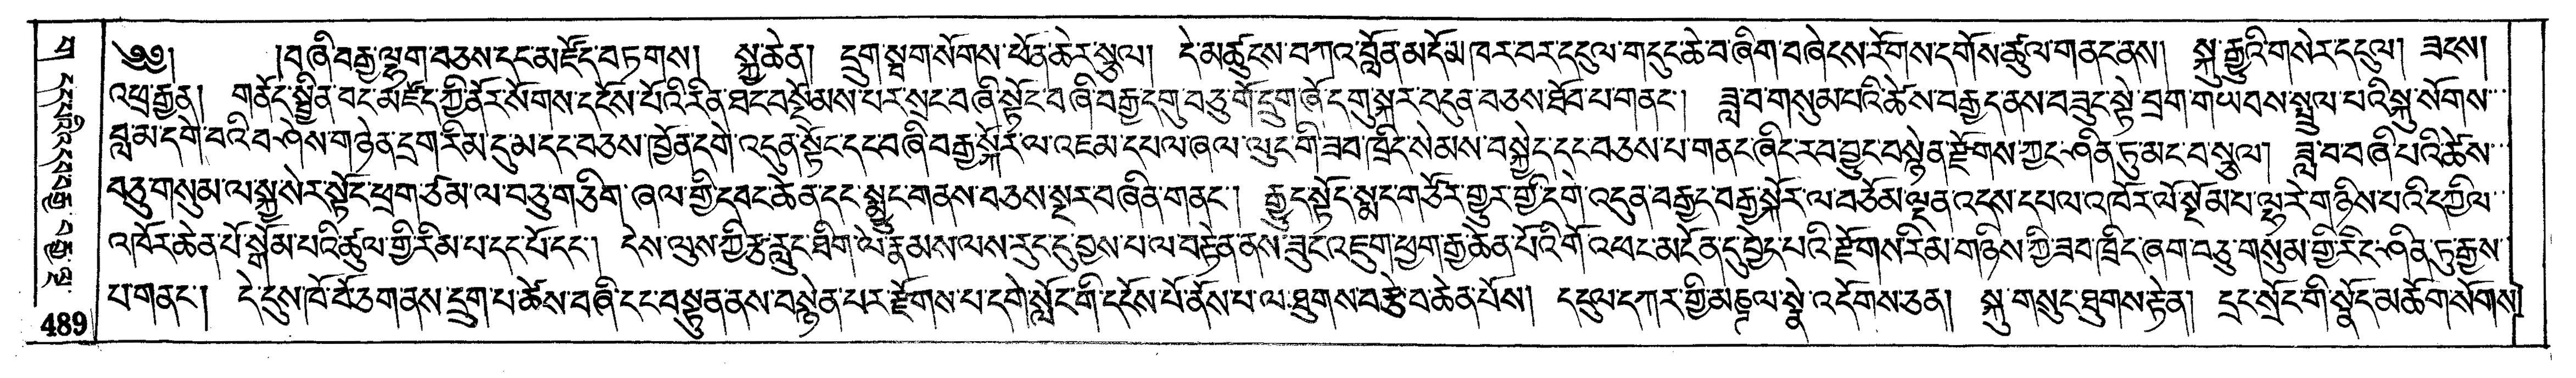༄༅། །བཞི་བརྒྱ་ལྷག་བཅས་དང་མཛོད་བཏགས། སྐྱ་ཆེན། དྲུག་སྦག་སོགས་ཕོན་ཆེར་སྩལ། དེ་མཚུངས་བཀའ་བློན་མདོ་མཁར་བར་དངུལ་གདུང་ཆེ་བ་ཞིག་བཞེངས་རོགས་དགོས་ཚུལ་གནང་ནས། སྐུ་རྒྱུའི་གསེར་དངུལ། ཟངས།
འཕྲ་རྒྱན། གནོད་སྦྱིན་བང་མཛོད་ཀྱི་ནོར་སོགས་དངོས་པོའི་རིན་ཐང་བསྔོམས་པར་སྲང་བཞི་སྟོང་བཞི་བརྒྱ་དགུ་བཅུ་གོ་དྲུག་ཞོ་དགུ་སྐར་བདུན་བཅས་ཐོབ་པ་གནང་། ཟླ་བ་གསུམ་པའི་ཚེས་བརྒྱད་ནས་བཟུང་སྟེ་བྲག་གཡབས་སྤྲུལ་པའི་སྐུ་སོགས་
བླ་མ་དགེ་བའི་བཤེས་གཉེན་དྲག་རིམ་དུ་མ་དང་བཅས་ཁྱོན་དགེ་འདུན་སྟོང་དང་བཞི་བརྒྱ་སྐོར་ལ་འཇམ་དཔལ་ཞལ་ལུང་གི་ཟབ་ཁྲིད་སེམས་བསྐྱེད་དང་བཅས་པ་གནང་ཞིང་རབ་བྱུང་བསྙེན་རྫོགས་ཀྱང་ཤིན་ཏུ་མང་བསྩལ། ཟླ་བ་བཞི་པའི་ཚེས་
བཅུ་གསུམ་ལ་སྐྱ་སེར་སྟོང་ཕྲག་ཙམ་ལ་བཅུ་གཅིག་ཞལ་གྱི་དབང་ཆེན་དང་སྨྱུང་གནས་བཅས་སྔར་བཞིན་གནང་། རྒྱུད་སྟོང་སྨད་གཙོར་གྱུར་གྱི་དགེ་འདུན་བརྒྱད་བརྒྱ་སྐོར་ལ་བཅོམ་ལྡན་འདས་དཔལ་འཁོར་ལོ་སྔོམ་པ་ལྷ་རེ་གཉིས་པའི་དཀྱིལ་
འཁོར་ཆེན་པོ་སྒོམ་པའི་ཚུལ་གྱི་རིམ་པ་དང་པོ་དང་། དེས་ལུས་ཀྱི་རྩ་རླུང་ཐིག་ལེ་རྣམས་ལས་རུང་དུ་བྱས་པ་ལ་བརྟེན་ནས་ཟུང་འཇུག་ཕྱག་རྒྱ་ཆེན་པོའི་གོ་འཕང་མངོན་དུ་བྱེད་པའི་རྫོགས་རིམ་གཉིས་ཀྱི་ཟབ་ཁྲིད་ཞག་བཅུ་གསུམ་གྱི་རིང་ཤིན་ཏུ་རྒྱས་
པ་གནང་། དེ་དུས་ཁོ་བོ་ཅག་ནས་དྲུག་པ་ཚེས་བཞི་དང་བསྟུན་ནས་བསྙེན་པར་རྫོགས་པ་དགེ་སློང་གི་དངོས་པོ་ནོས་པ་ལ་ཐུགས་བརྩེ་བ་ཆེན་པོས། དངུལ་དཀར་གྱི་མཎྜལ་སྣེ་འདོགས་ཅན། སྐུ་གསུང་ཐུགས་རྟེན། དྲང་སྲོང་གི་སྣོད་མཆོག་སོགས་